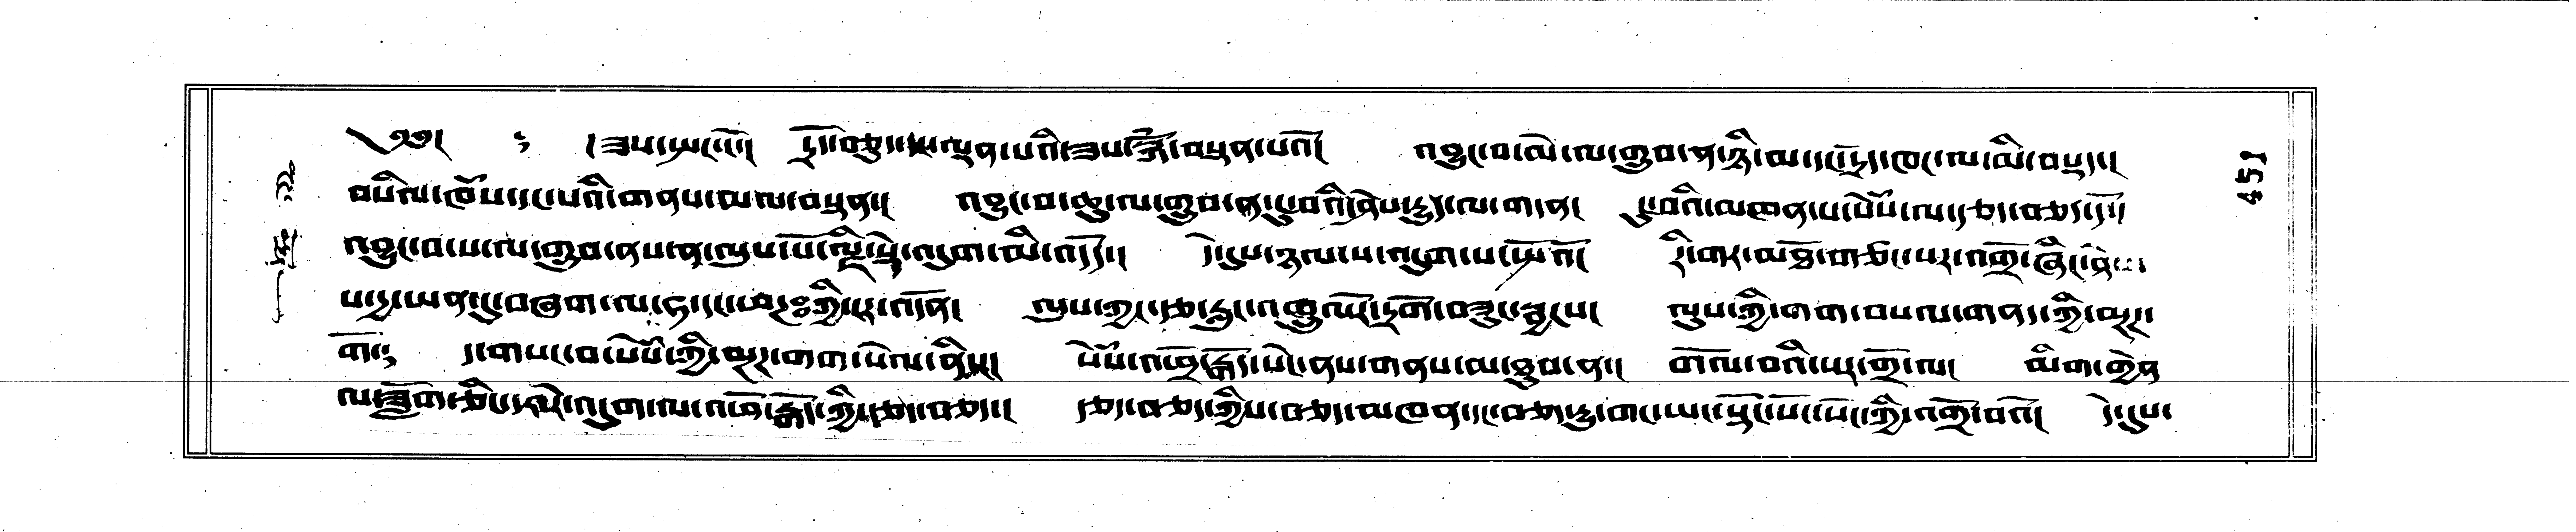ཟས་སྤང་ངོ་། དྲོས་བཅུད་ལྡན་པའི་ཟས་སྐོམ་བསྟན་པའོ།། འབྱུང་བ་མེ་ལ་གྲུབ་ནས་ཉི་མ་དང་དྲོ་སར་མི་སྡོད་ལ། 
བསིལ་ལ་ཁམས་དངས་པའི་གནས་ལམ་བསྟན། འབྱུང་བ་ཆུ་ལ་གྲུབ་ན། ངུ་བའི་ཤེས་པ་རྒྱུད་ལ་གནས། ངུ་བའི་མཁན་པོ་སེམས་ལ་རྩད་བཅད་དོ། 
འབྱུང་བ་ས་ལ་གྲུབ་ན། ལུས་པོ་ལྗི་སྟེ་འགྲོ་འདུག་མི་འདོད་པའོ། དེའི་དུས་ལ་ཉལ་ས་དང་འདུག་ས་སྤོང་བའོ། རི་ཁར་གཙང་ལ་མཐོ་སར་འགྲོ་ལ་ཤེས་
པ་རྒྱ་ཡན་དུ་བཞག་ལ། ཧ་དང་ཕཊ་ཀྱིས་ངར་འདོག་༼འདོན༽ལུས་ཀྱང་རྩ་རླུང་འཁྲུལ་འཁོར་དྲག་པོ་བཟུང་ལ་སྦྱངས། ལུས་ཀྱི་གགས་བསལ་གནད་ཀྱི་མེན་ངག་
གོ ད་གསང་བ་སེམས་ཀྱིས་གགས་བསལ་མེན་ངག་ནི་སེམས་འཕྲོ་རྒོད་དུ་སོང་ནས་གནས་སུ་མ་ཐུབ་ན། འགུལ་པའི་སར་འགྲོ་ལ། མིག་གྱེན་
ལ་བཟློག་ཅིང་། དར་རེས་འདུག་ལ་བསམ། འགྲོ་རྒོད་ཀྱིས་རྩད་བཅད་རྩ། རྩད་བཅད་མཁན་དང་བཅད་རྒྱུ་གང་ཡང་སྟོང་སངས་ཀྱིས་འགྲོ་བའོ། དེའི་དུས་